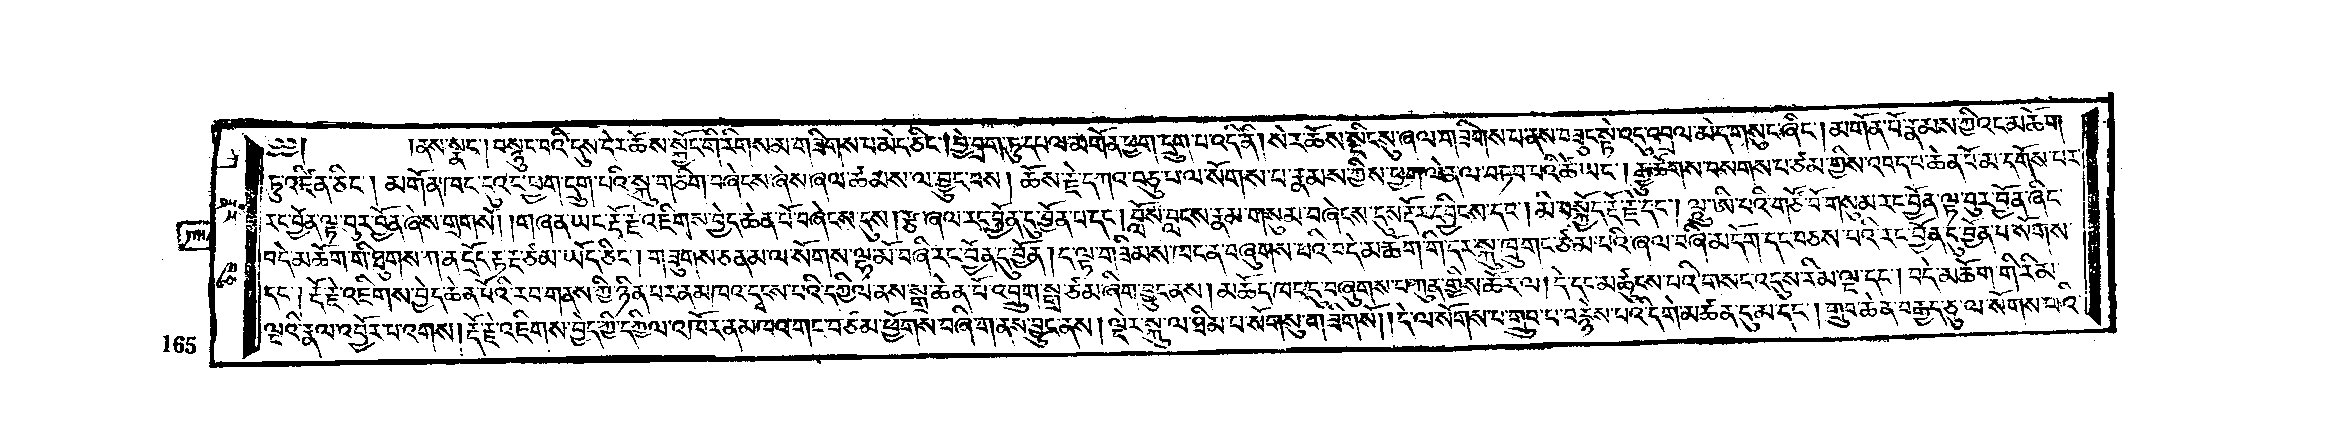༄༅། །ནས་སྣང་། བསྙུང་བའི་དུས་དེར་ཆོས་སྐྱོང་གི་རིགས་མ་གཟིགས་པ་མེད་ཅིང་། བྱེ་བྲག་ཏུ་དཔལ་མགོན་ཕྱག་དྲུག་པ་འདི་ནི། སེ་ར་ཆོས་སྡིངས་སུ་ཞལ་གཟིགས་པ་ནས་བཟུང་སྟེ་འདུ་འབྲལ་མེད་གསུང་ཞིང་། མགོན་པོ་རྣམས་ཀྱིའང་མཆོག་
ཏུ་འཛིན་ཅིང་། མགོན་ཁང་དུའང་ཕྱག་དྲུག་པའི་སྐུ་གཅིག་བཞེངས་ཞེས་ཞལ་ཚམས་ལ་བྱུང་བས། ཆོས་རྗེ་དཀའ་བཅུ་པ་ལ་སོགས་པ་རྣམས་ཀྱིས་ཕྱག་ལེན་ལ་བཏབ་པའི་ཚེ་ཡང་། རྒྱུ་ཚོགས་བསགས་པ་ཙམ་གྱིས་འབད་པ་ཆེན་པོ་མ་དགོས་པར་
རང་བྱོན་ལྟ་བུར་བྱོན་ཞེས་གྲགས་སོ། །གཞན་ཡང་རྡོ་རྗེ་འཇིགས་བྱེད་ཆེན་པོ་བཞེངས་དུས། རྩ་ཞལ་རང་བྱོན་དུ་བྱོན་པ་དང་། བློས་བླངས་རྣམ་གསུམ་བཞེངས་དུས་རྡོར་དབྱིངས་དང་། མི་བསྐྱོད་རྡོ་རྗེ་དང་། ལཱུ་ཨི་པའི་གཙོ་བོ་གསུམ་རང་བྱོན་ལྟ་བུར་བྱོན་ཞིང་
བདེ་མཆོག་གི་ཐུགས་ཀ་ན་དྲོང་རྟ་རྔ་ཙམ་ཡོད་ཅིང་། གཟུགས་ཅན་མ་ལ་སོགས་ལྷ་མོ་བཞི་རང་བྱོན་དུ་བྱོན། ད་ལྟ་གཟིམས་ཁང་ན་བཞུགས་པའི་བདེ་མཆོག་གི་དར་སྐུ་ཁྲུ་གང་ཙམ་པའི་ཞལ་བཞི་མདོག་དང་བཅས་པའི་རང་བྱོན་དུ་བྱོན་པ་སོགས་
དང་། རྡོ་རྗེ་འཇིགས་བྱེད་ཆེན་པོའི་རབ་གནས་ཀྱི་ཉིན་པར་ནམ་མཁའ་དྭངས་པའི་དཀྱིལ་ནས་སྒྲ་ཆེན་པོ་འབྲུག་སྒྲ་ཙམ་ཞིག་བྱུང་ནས། མཆོད་ཁང་དུ་བཞུགས་པ་ཀུན་གྱིས་ཚོར་ལ། དེ་དང་མཚུངས་པའི་གསང་འདུས་རིམ་ལྔ་དང་། བདེ་མཆོག་གི་རིམ་
ལྔའི་རྣལ་འབྱོར་པ་འགས། རྡོ་རྗེ་འཇིགས་བྱེད་ཀྱི་དཀྱིལ་འཁོར་ནམ་མཁའ་གང་བ་ཙམ་ཕྱོགས་བཞི་གནས་བྱུང་ནས། ལྡེར་སྐུ་ལ་ཐིམ་པ་སོགས་སུ་གཟིགས་སོ། །དེ་ལ་སོགས་པ་གྲུབ་པ་བརྙེས་པའི་དགེ་མཚན་དུ་མ་དང་། གྲུབ་ཆེན་བརྒྱད་ཅུ་ལ་སོགས་པའི་